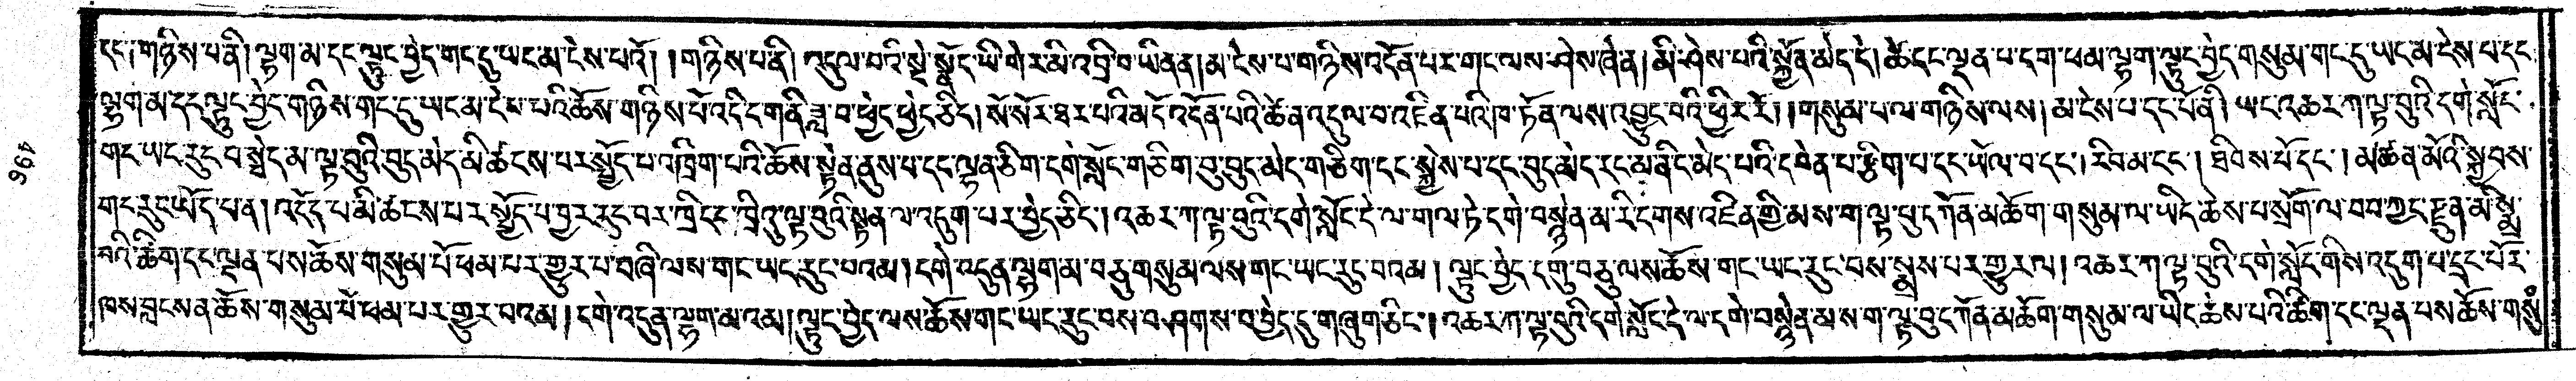དང༑ གཉིས་པ་ནི། ལྷག་མ་དང་ལྟུང་བྱེད་གང་དུ་ཡང་མ་ངེས་པའོ། །གཉིས་པ་ནི། འདུལ་བའི་སྡེ་སྣོད་ཡི་གེར་མི་འབྲི་བ་ཡིན་ན། མ་ངེས་པ་གཉིས་འདོན་པར་གང་ལས་ཤེས་ཞེ་ན། མི་ཤེས་པའི་སྐྱོན་མེད་དེ། ཚེ་དང་ལྡན་པ་དག་ཕམ་ལྷག་ལྟུང་བྱེད་གསུམ་གང་དུ་ཡང་མ་ངེས་པ་དང་
ལྷག་མ་དང་ལྟུང་བྱེད་གཉིས་གང་དུ་ཡང་མ་ངེས་པའི་ཆོས་གཉིས་པོ་འདི་དག་ནི་ཟླ་བ་ཕྱེང་ཕྱེང་ཅིང་། སོ་སོར་ཐར་པའི་མདོ་འདོན་པའི་ཚེ་ན་འདུལ་བ་འཛིན་པའི་ཁ་ཏོན་ལས་འབྱུང་བའི་ཕྱིར་རོ། །གསུམ་པ་ལ་གཉིས་ལས། མ་ངེས་པ་དང་པོ་ནི། ཡང་འཆར་ཀ་ལྟ་བུའི་དགེ་སློང་
གང་ཡང་རུང་བ་སྦེད་མ་ལྟ་བུའི་བུད་མེད་མི་ཚངས་པར་སྤྱོད་པ་འཁྲིག་པའི་ཆོས་སྟེན་ནུས་པ་དང་ལྷན་ཅིག་དགེ་སློང་གཅིག་བུ་བུད་མེད་གཅིག་དང་སྐྱེས་པ་དང་བུད་མེད་རང་མ་ནིང་མེད་པའི་དབེན་པ་རྩིག་པ་དང་ཡོལ་བ་དང་རིབ་མ་དང་། ཐིབས་པོ་དང་། མཚན་མོའི་སྐྱབས་
གང་ཏུང་ཡོད་པ་ན། འདོད་པ་མི་ཚངས་པར་སྤྱོད་པ་བྱར་རུང་བར་ཁྲི་དང་ཁྲིའུ་ལྟ་བུའི་སྟན་ལ་འདུག་པར་བྱེད་ཅིང་། འཆར་ཀ་ལྟ་བུའི་དགེ་སློང་དེ་ལ་གལ་ཏེ་དགེ་བསྙེན་མ་རི་དགས་འཛིན་གྱི་མས་ག་ལྟ་བུ་དཀོན་མཆོག་གསུམ་ལ་ཡིད་ཆེས་པ་སྲོག་ལ་བབ་ཀྱང་རྫུན་མི་སྨྲ་
བའི་ཚིག་དང་ལྡན་པས་ཆོས་གསུམ་པོ་ཕམ་པར་གྱུར་པ་བཞི་ལས་གང་ཡང་རུང་བའམ། དགེ་འདུན་ལྷག་མ་བཅུ་གསུམ་ལས་གང་ཡང་རུང་བའམ། ལྟུང་བྱེད་དགུ་བཅུ་ལས་ཆོས་གང་ཡང་རུང་བས་སྨྲས་པར་གྱུར་ལ། འཆར་ཀ་ལྟ་བུའི་དགེ་སློང་གིས་འདུག་པ་དྲང་པོར་
ཁས་བླངས་ན་ཆོས་གསུམ་པོ་ཕམ་པར་གྱུར་བའམ། དགེ་འདུན་ལྷག་མ་འམ། ལྟུང་བྱེད་ལས་ཆོས་གང་ཡང་རུང་བས་བཤགས་བ་བྱེད་དུ་གཞུག་ཅིང་། འཆར་ཀ་ལྟ་བུའི་དགེ་སློང་དེ་ལ་དགེ་བསྙེན་མས་ག་ལྟ་བུ་དཀོན་མཆོག་གསུམ་ལ་ཡིད་ཆེས་པའི་ཚིག་དང་ལྡན་པས་ཆོས་གསུམ་